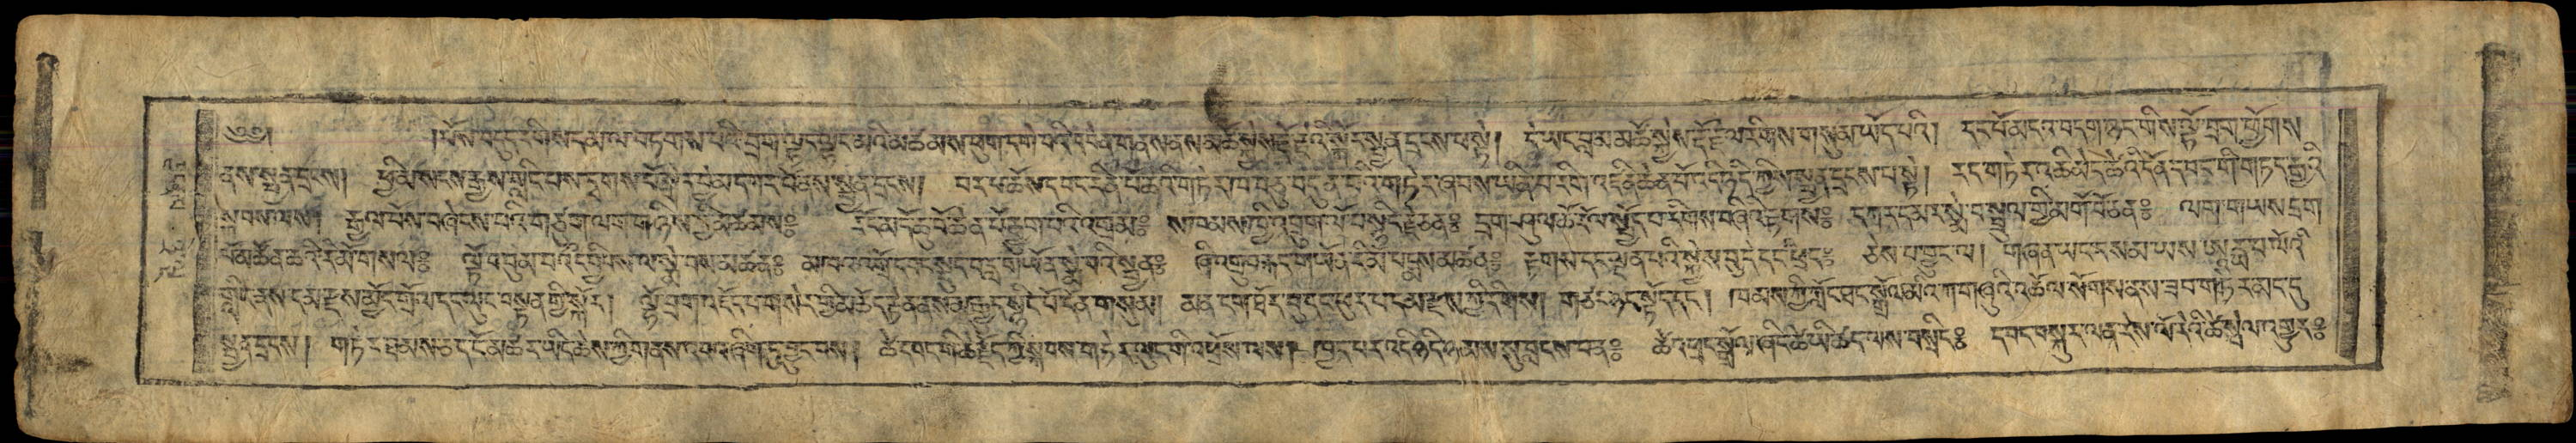༄༅། །པོས་བདུད་རིགས་དམ་ལ་བཏགས་པའི་བྲག་ལྷང་ལྷང་མའི་མཚམས་ཕུག་དག་བའི་དབེན་གནས་ནས་མཚོ་སྐྱེས་རྡོ་རྗེའི་སྐོར་སྤྱན་དྲངས་པ་སྟེ། དེ་ཡང་བླ་མ་མཚོ་སྐྱེས་རྡོ་རྗེ་ལ་རིགས་གསུམ་ཡོད་པའི། དང་པོ་མངའ་བདག་ཉང་གིས་ལྟོ་བྲག་ཕྱོགས་
ནས་སྤྱན་དྲངས། ཕྱི་མ་སངས་རྒྱས་གླིང་པས་དྭགས་པོ་སྒེར་བྱེ་མ་དཀར་པོ་ནས་སྤྱན་དྲངས། བར་པ་ཆོས་དབང་རིན་པོ་ཆེའི་གཏེར་ཁ་བཅུ་བདུན་པའི་གཏེར་ཞབས་ཡིན་པ་རིག་འཛིན་ཆེན་པོ་འདི་ཉིད་ཀྱིས་སྦྱན་དྲངས་པ་སྟེ། རང་གཏེར་འཆི་མེད་ཚོའི་དོན་དབང་གི་གཏད་རྒྱའི་
སྐབས་ལས། རྒྱལ་པོས་བཞེངས་པའི་གཙུག་ལག་གཉིས་ཀྱི་མཚམསཿ་རོང་མདོ་ཆུ་བོ་ཆེན་པོ་རྒྱུག་པའི་འགྲམཿ་ས་ཁམས་ཁྱི་འབྲུག་ལོ་པ་སྙིང་རྗེ་ཅནཿ་དྲག་ཤུལ་ཆོ་རོལ་སྤྱོད་པ་རིགས་བཞིའི་རྟགསཿ་དཀར་དམར་སྨེ་བ་སྦྲུལ་གྱི་མགོ་བོ་ཅནཿ་ལག་གཡས་དྲག་
པོ་མཚོན་ཆའི་རི་མོ་གསལཿ་ལྟོ་བ་བུམ་པའི་དབྱིབས་ལ་སྨེ་བས་མཚནཿ་མཁའ་འགྲོ་དབང་སྡུད་བརླ་གཡོན་སྨེ་བའི་སྤྱནཿ་ཞི་འགྲུབ་རྐང་གཡོན་རིམ་པདམས་མཚནཿ་རྟགས་དང་ལྡན་པའི་སྐྱེས་བུ་དེ་དང་ཕྲིངཿ་ཅེས་པ་བྱུང་ལ། གཞན་ཡང་བསམ་ཡས་ཨརྱ་བ་ལོའི་
གླིང་ནས་ངམ་རྫས་མྱོང་གྲོལ་དང་ལུང་བསྟན་གྱི་སྐོར། ལྟོ་བྲག་འཇོད་པ་གསེར་གྱི་མཆོད་རྟེན་ནས་མ་རྒྱུད་སྙིང་པོ་དོན་གསུམ། མན་ངག་ཐོར་བུ་དང་ཕུར་པ་དམ་རྫས་ཀྱི་རིགས། གཙང་ཉང་སྟོད་དང་། ཁམས་ཀྱི་ཀློང་ཐང་སྒྲོལ་མའི་ཀ་གཞུའི་འཆོལ་སོགས་ནས་ཟབ་གཏེར་མང་དུ་
སྦྱན་དྲངས། གཏེར་ཐམས་ཅད་ངོ་མཚར་ཡིད་ཆེས་ཀྱི་གནས་འདའ་ཞིག་ཏུ་བྱུང་བས། ཚེ་དབང་གི་ཆེ་རྗོད་ཀྱི་སྐབས་གཏེར་ལུང་གི་འཕྲོས་ལས། ཁྱད་པར་འདི་ཉིད་ཉམས་སུ་བླངས་པནཿ་ཚེ་འཕྲང་སྒྲོལ་ཞིང་ཚེ་ཡི་ཚད་ལས་བསྲིདཿ་དབང་བསྐུར་ལན་རེས་ལོ་རེའི་ཚེ་སྤེལ་འགྱུརཿ